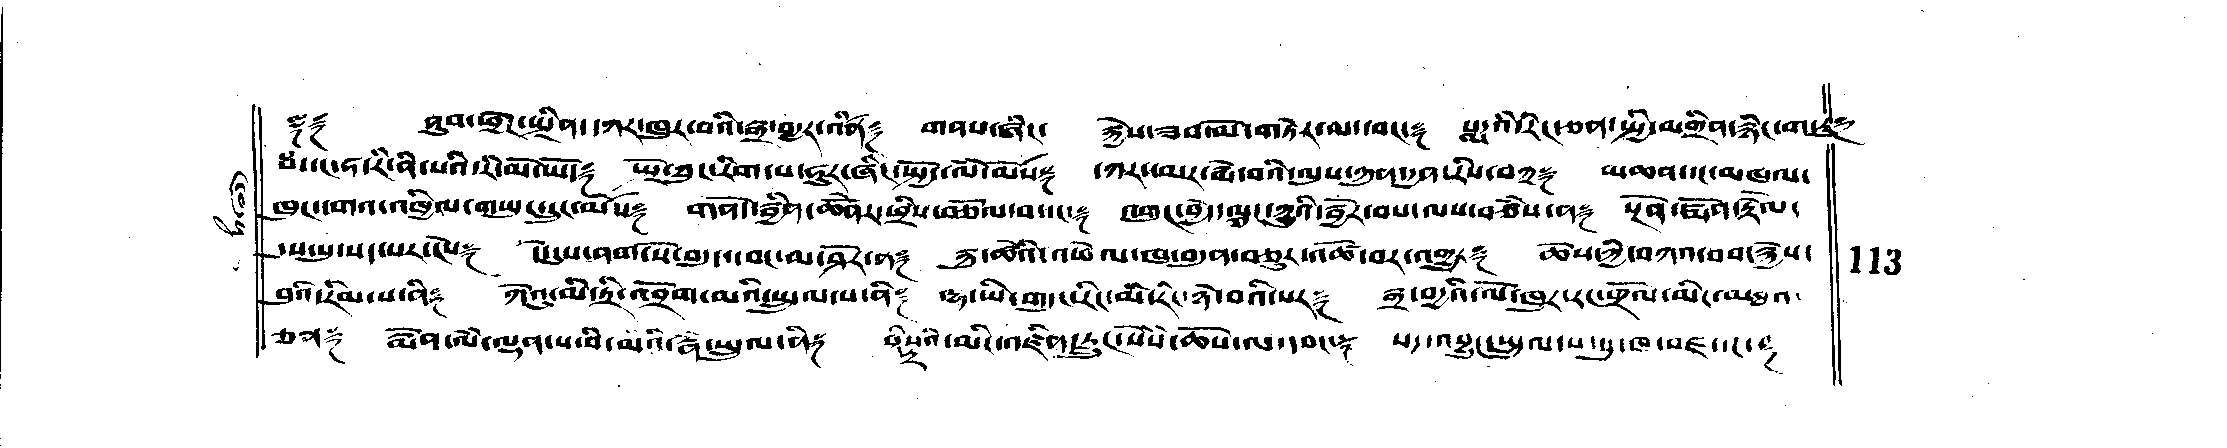།ནུབ་ཕྱོགས་སྤྲིན་དཀར་ཁུར་བའི་སྒྲ་བརྒྱར་འཛིན། ༼གནས་?༽ །ཞིང་རྐྱེས་ཟབ་མོ་གཏེར་ལ་དབང་། །པདྨའི་རིགས་ཅན་སྤྱི་མགྲིན་སྙིང་ག་རུ། །
བཾ་དང་ཧ་རི་ནི་སའི་རི་མོ་ཡོད། །སྤྲོ་ཐུང་རིག་པ་ཧུར་ཞིང་སྤྱོད་ལམ་མཛེས། །དཀར་དམར་རྨེ་བའི་ལུས་ཀུན་རྒྱན་རིས་བཀྲ། །མཆན་དང་མཁལ་
ཁུང་དགའ་འཁྱིལ་གཡུང་དྲུང་མཛེས། །གནོད་སྦྱིན་ཆེན་པོར་ཕྲིན་ལས་བཅོལ་བ་དང་། །འགུགས་བྱེད་ལྕགས་ཀྱུའི་སྦྱོར་བས་ལས་བརྩམས་ན། །སྔོན་སྨོན་རྟེན་འབྲེལ་
དུས་སུ་སད་པར་ངེས། །དེ་དུས་ནག་པོ་བདུད་དབང་མ་ཤོར་ན། །སྐུ་ཚེའི་འཕེལ་ཁ་བདུན་བཅུར་འཚོ་བར་འགྱུར། །ཆོས་ཀྱི་བཀའ་བབ་སྐྱེས་
བུའི་རིམ་པ་ནི། །ཀོའུ་མི་ཏྲི་འབྲོག་མའི་སྤྲུལ་པ་ནི། །ལྷ་ཡི་གདུང་རིགས་མི་རིང་ཉེ་བའི་སར། །སྒྲ་བརྒྱའི་ལོ་ཁུར་རང་གྲོལ་མིང་མཐའ་
ཅན། །སྨོན་ལམ་ལྡན་པ་བི་མའི་རྣམ་སྤྲུལ་ནི། །བི་ཏྲའི་མིང་འཛིན་རླུང་སེམས་ཆོས་ལ་དབང་། །པད་འབྱུང་སྤྲུལ་པ་སུ་ཁ་བཛྲ་དང་།